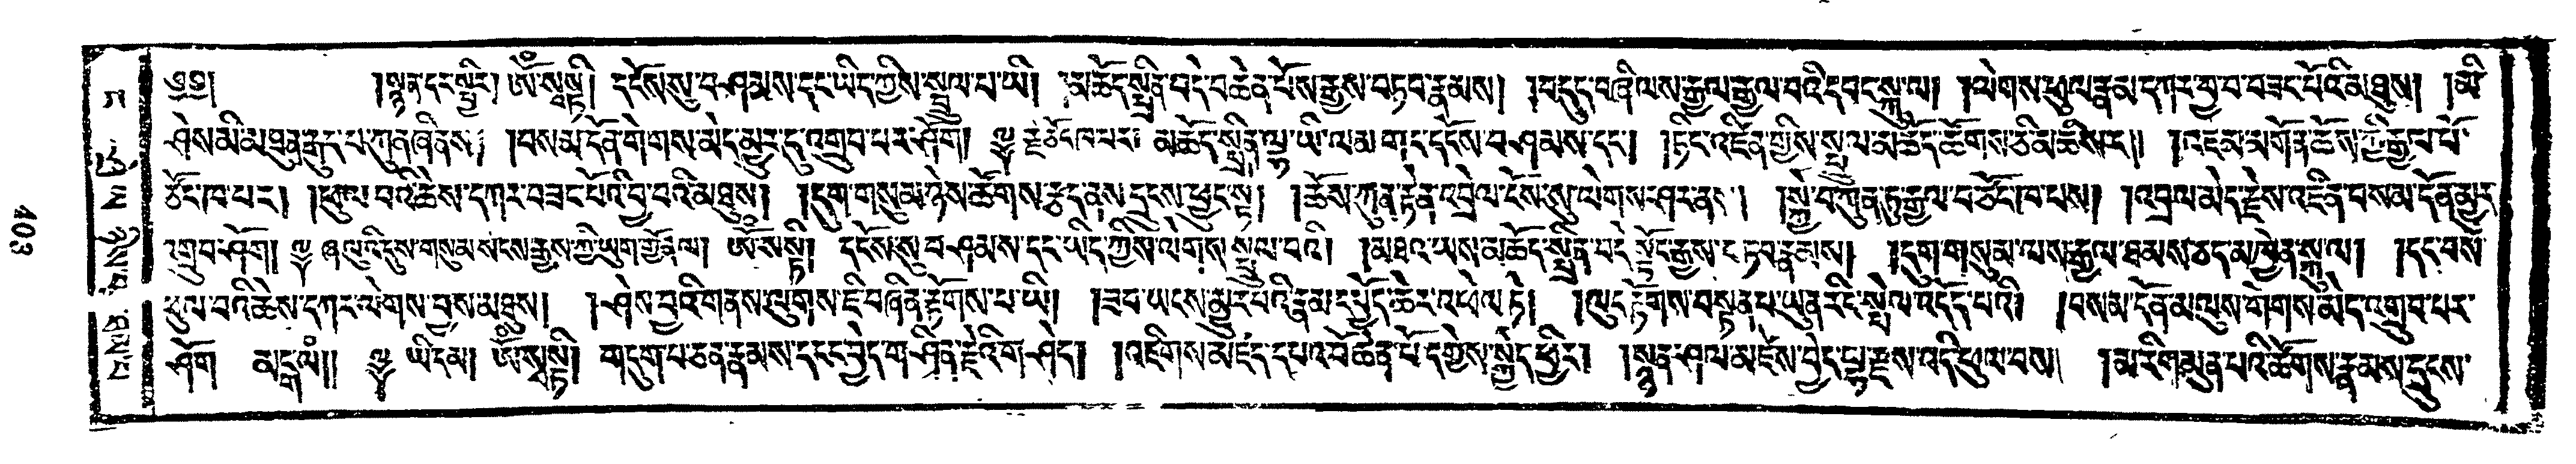༄༅། །སྙན་དར་སྤྱིར། ཨོཾ་སྭསྟི། དངོས་སུ་བཤམས་དང་ཡིད་ཀྱིས་སྦྲུལ་པ་ཡི། །མཆོད་སྤྲིན་བདེ་བ་ཆེན་པོས་རྒྱས་བཏབ་རྣམས། །བདུད་བཞི་ལས་རྒྱལ་རྒྱལ་བའི་དབང་སྐུ་ལ། །ལེགས་ཕུལ་རྣམ་དཀར་བྱ་བ་བཟང་པོའི་མཐུས། །མི་
ཤེས་མི་མཐུན་རྒུད་པ་ཀུན་ཞི་ནས། །བསམ་དོན་གེགས་མེད་མྱུར་དུ་འགྲུབ་པར་ཤོག། ༈ རྗེ་ཅོད་ཁ་པར། མཆོད་སྤྲིན་ལྷ་ཡི་ལམ་གང་དངོས་བཤམས་དང་། །ཏིང་འཛིན་གྱིས་སྤྲུལ་མཆོད་ཚོགས་ཅི་མཆིས་ང་། །འཇམ་མགོན་ཆོས་ཀྱི་རྒྱལ་པོ་
ཙོང་ཁ་པར། །ཕུལ་བའི་ཆེས་དཀར་བཟང་པོའི་བྱ་བའི་མཐུས། །དུག་གསུམ་ཉེས་ཚོགས་རྩད་ནས་དྲུངས་ཕྱུང་སྟེ། །ཆོས་ཀུན་རྟེན་འབྲེལ་ངོས་སུ་ལེགས་ཤར་ནས། །སྐྱེ་བ་ཀུན་ཏུ་རྒྱལ་བ་ཙོང་ཁ་པས། །འབྲལ་མེད་རྗེས་འཛིན་བསམ་དོན་མྱུར་
འགྲུབ་ཤོག། ༈ ཞ་ལུའི་དུས་གསུམ་སངས་རྒྱས་ཀྱི་ཡུག་གྱོན་ལ།  ཨོཾ་སྭསྟི། དངོས་སུ་བཤམས་དང་ཡིད་ཀྱིས་ལེགས་སྤྲུལ་བའི། །མཐའ་ཡས་མཆོད་སྤྲིན་བདེ་སྟོང་རྒྱས་བཏབ་རྣམས། །དུག་གསུམ་ལས་རྒྱལ་ཐམས་ཅད་མཁྱེན་སྐུ་ལ། །དད་བས་
ཕུལ་བའི་ཆེས་དཀར་ལེགས་བྱས་མཐུས། །ཤེས་བྱའི་གནས་ལུགས་ཇི་བཞིན་རྟོགས་པ་ཡི། །ཟབ་ཡངས་མྱུར་པའི་རྣམ་དཔྱོད་ཆེར་འཕེལ་ཏེ། །ལུང་རྟོགས་བསྟན་པ་ཡུན་རིང་སྤེལ་འདོད་པའི། །བསམ་དོན་མ་ལུས་གེགས་མེད་འགྲུབ་པར་
ཤོག་མངྒ་ལཾ།། ༈ ཡི་དམ།  ཨོཾ་སྭསྟི། གདུག་པ་ཅན་རྣམས་ད་ངང་བྱེད་གཤིན་རྗེའི་གཤེད། །འཇིགས་མཛད་དཔའ་བོ་ཆེན་པོ་དགྱེས་སྐྱེད་ཕྱིར། །སྙན་ཤལ་མཛེས་བྱེད་ལྷ་རྫས་འདི་ཕུལ་བས། །མ་རིག་མུན་པའི་ཚོགས་རྣམས་དྲུངས་